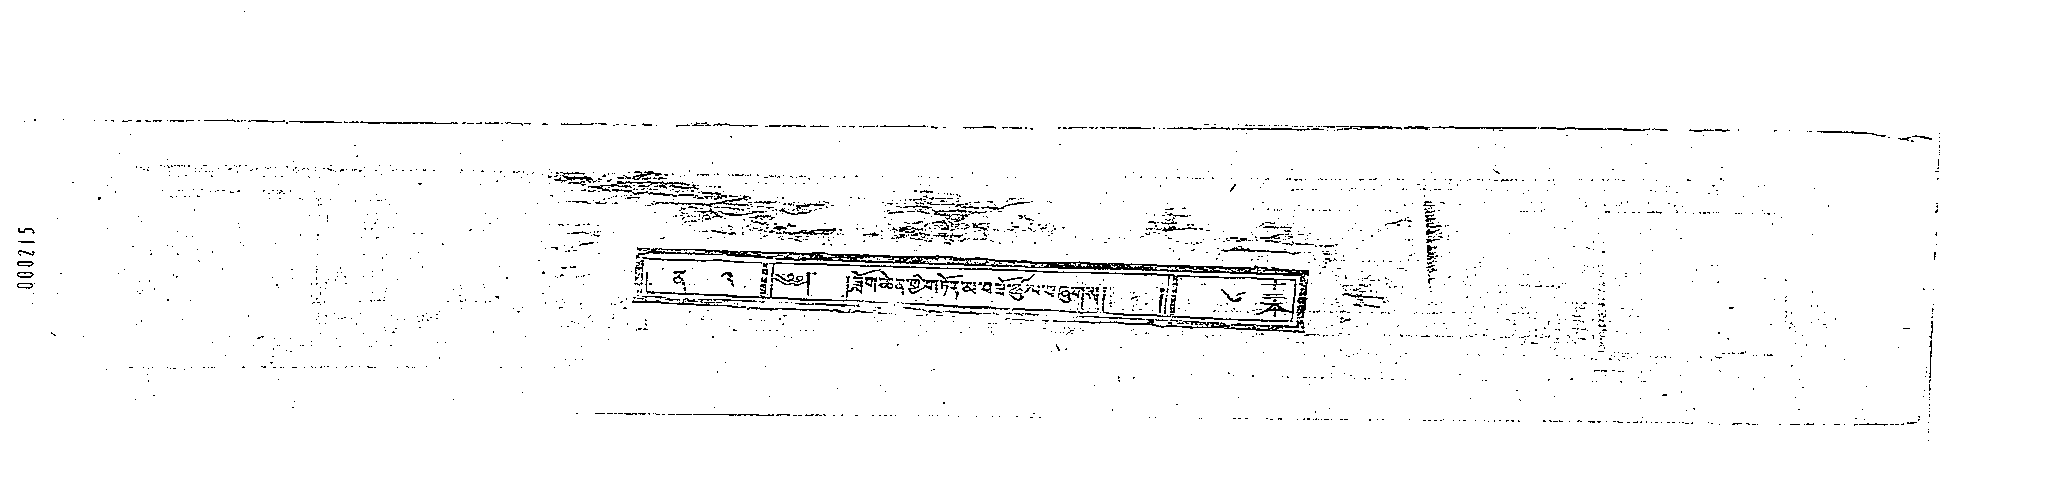ཏ ༡༢?
༄༅། །ཟློག་ཆེན་གྱི་གཏོར་མ་བཟོ་ཚུལ་བཞུགས། །